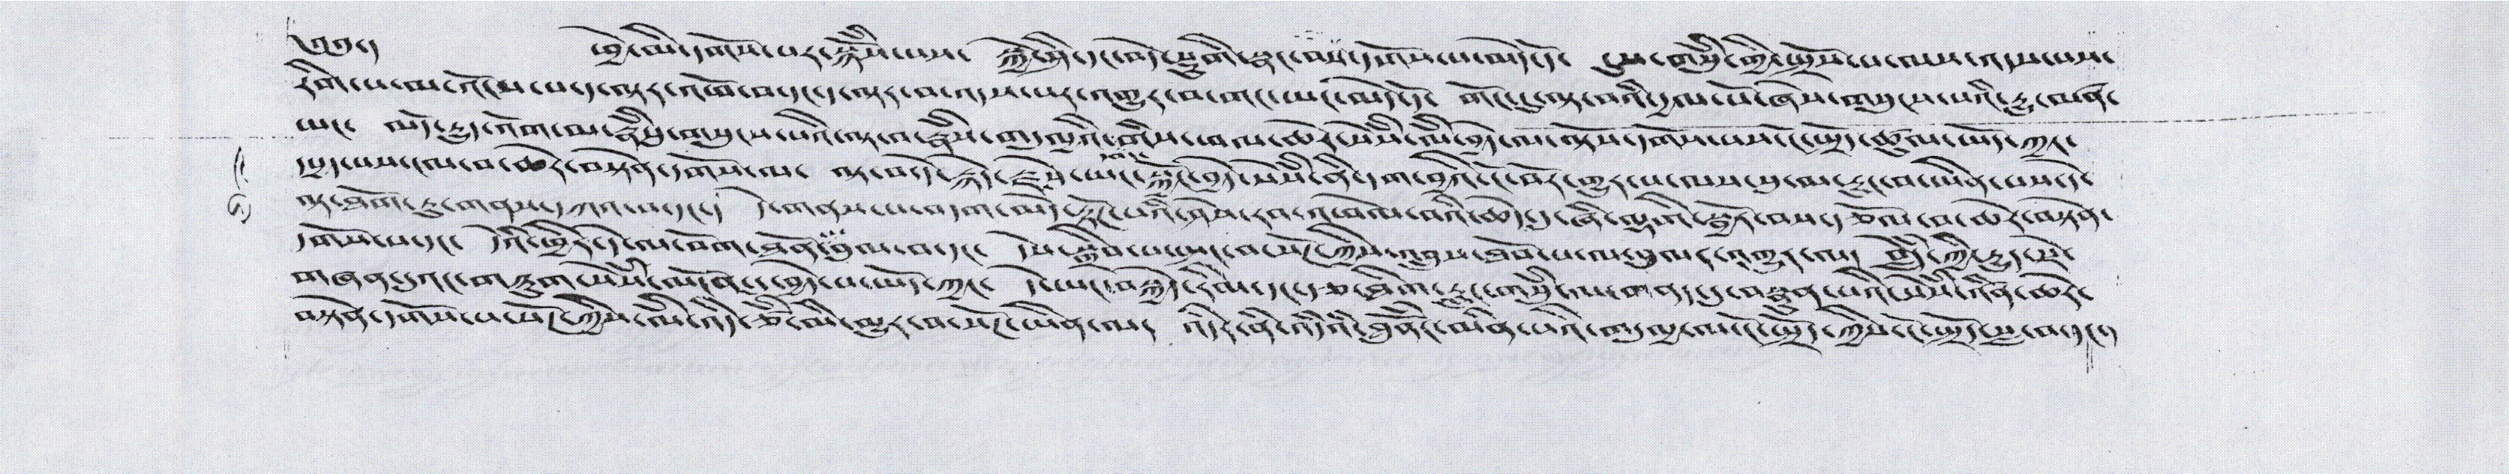ཕྱེ་མི་དགོས་པར་སྙམ་པས། སྐྱེ་ཤི་དང་བདེ་སྡུག་གི་སྣང་བས་དགོས་པ་མེད་དོ། དུས་གསུམ་གྱི་སྤྲོས་པ་ལས་འདས་པས་
རིག་པ་མ་འོངས་པ་ད་ལྟར་འཕོ་བ་དང་ད་ལྟར་བ་འདས་པར་འགྱུར་བ་གང་ཡང་མེད་དོ། གོང་དུ་ལྟ་བའི་རྒྱལ་པོ་ཞེས་གསུངས་པའི་རྒྱུ་མཚན་
ཡང་། མདོ་རྒྱུད་འོག་མ་རྣམས་སུ་གསུངས་པའི་ལྟ་བ་རྣམས་གདུལ་བྱའི་དབང་གིས་ཕལ་ཆེར་སེམས་ལམ་བྱེད་ལ་ལྟོས་དགོས་པས་ངོ་སྤྲོད་ཚུལ་ཡོད་ཀྱང་
དཔྱད་པས་ངལ་བ་ཆེར་བསྟེན་དགོས་ལ། ལྟ་བ་དེ་ཉིད་རྗེས་སུ་ཡང་སྐྱོང་བྱེད་སེམས་ནི་དག་བྱའི་ངོ་བོར་གྱུར་པ་ལས་སུ་མ་རུང་བ་ཡིན་པས་དེ་
ལྟ་ཐོག་ཏུ་གནས་དཀའ་བ་དང་། དེ་གནས་པ་བདག་མེད་རྟོགས་པའི་ཤེས་རབ་འཕེལ་བའི་ཆེད་དུ་ཞི་ལྷག་གི་སྦྱོར་བས་རྩོལ་བ་ཆེར་བསྟེན་
དགོས་པ་དང་། དེའི་ཕྱིར་དེ་ལ་བོགས་ཐོན་པ་བུལ་བ་དང་། དེས་སྒྲིབ་པ་སྤང་བ་སོགས་ཀྱིས་འབྲས་བུ་ཐོབ་པ་ལ་བུལ་བར་འགྱུར་ལ། བླ་མེད་ཀྱི་རྒྱུད་སྡེ་
གཞན་དུའང་གཉུག་སེམས་མངོན་དུ་བྱེད་པ་ཡོད་ཀྱང་། དེ་ཡང་བསྐྱེད་རིམ་དང་རྩ་ཐིག་རླུང་གསུམ་ལ་གནད་དུ་བསྣུན་པའི་སེམས་འཛིན་ཆེར་
བསྟེན་དགོས་པ་སོགས་ཀྱིས་ལམ་འདི་ཙམ་མི་མྱུར་བ་སོགས་ཡིན་ལ། འདིར་ནི་འདིའི་ཐུན་མོང་མིན་པའི་གདུལ་བྱ་ལ་ངོ་སྤྲོད་ཀྱིས་ངོ་སྤྲོད་སླ་བ་དང་།